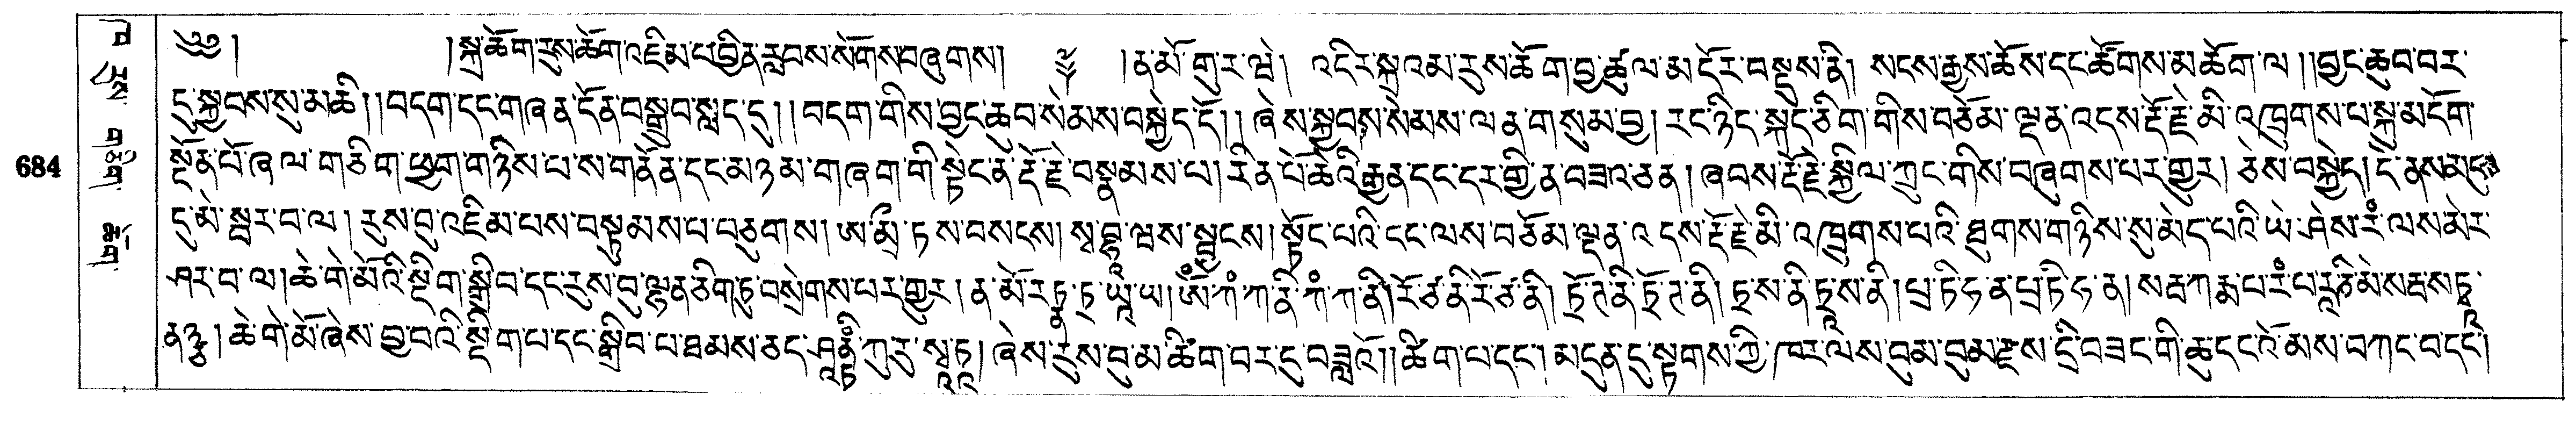༄༅། །སྐྲ་ཆོག་རུས་ཆོག་འཇིམ་པ་བྱིན་རླབས་སོགས་བཞུགས། ༈ །ན་མོ་གུ་ར་ཝེ། འདིར་སྐྲའམ་རུས་ཆོག་བྱ་ཚུལ་མདོར་བསྡུས་ནི། སངས་རྒྱས་ཆོས་དང་ཚོགས་མཆོག་ལ། །བྱང་ཆུབ་བར་
དུ་སྐྱབས་སུ་མཆི། །བདག་དང་གཞན་དོན་བསྒྲུབ་སླད་དུ། །བདག་གིས་བྱང་ཆུབ་སེམས་བསྐྱེད་དོ། །ཞེས་སྐྱབས་སེམས་ལན་གསུམ་བྱ། རང་ཉིད་སྐད་ཅིག་གིས་བཅོམ་ལྡན་འདས་རྡོ་རྗེ་མི་འཁྲུགས་པ་སྐུ་མདོག་
སྔོན་པོ་ཞལ་གཅིག་ཕྱག་གཉིས་པ་ས་གནོན་དང་མཉམ་གཞག་གི་སྟེང་ན་རྡོ་རྗེ་བསྣམས་པ། རིན་པོ་ཆེའི་རྒྱན་དང་དར་གྱི་ན་བཟའ་ཅན། ཞབས་རྡོ་རྗེ་སྐྱིལ་ཀྲུང་གིས་བཞུགས་པར་གྱུར། ཅེས་བསྐྱེད། དེ་ནས་མདུན་
དུ་མེ་སྦར་བ་ལ། རུས་བུ་འཇིམ་པས་བསྟུམས་པ་བཅུགས། ཨ་མྲྀ་ཏས་བསངས། སྭ་བྷཱ་ཝས་སྦྱངས། སྟོང་པའི་ངང་ལས་བཅོམ་ལྡན་འདས་རྡོ་རྗེ་མི་འཁྲུགས་པའི་ཐུགས་གཉིས་སུ་མེད་པའི་ཡེ་ཤེས་རཾ་ལས་མེར་
ཤར་བ་ལ། ཆེ་གེ་མོའི་སྡིག་སྒྲིབ་དང་རུས་བུ་ལྷན་ཅིག་ཏུ་བསྲེགས་པར་གྱུར། ན་མོ་རཏྣ་ཏྲ་ཡཱ་ཡ། ཨོཾ་ཀཾ་ཀ་ནི་ཀཾ་ཀ་ནི། རོ་ཙ་ནི་རོ་ཙ་ནི། ཏྲོ་ཊ་ནི་ཏྲོ་ཊ་ནི། ཏྲ་ས་ནི་ཏྲཱ་ས་ནི། པྲ་ཏི་ཧ་ན་པྲ་ཏི་ཧ་ན། སརྦ་ཀརྨ་པ་རཾ་པ་རཱ་ཎི་མེ་སརྦ་སྟྭ་
ནཉྩ་།ཆེ་གེ་མོ་ཞེས་བྱ་བའི་སྡིག་པ་དང་སྒྲིབ་པ་ཐམས་ཅད་ཤཱིནྟཾ་ཀུ་རུ་སྭཱ་ཧཱ། ཞེས་རུས་བུ་མ་ཚིག་བར་དུ་བཟླའོ། །ཚིག་པ་དང་། མདུན་དུ་སྟགས་ཀྱི་ཁར་ལས་བུམ་བུམ་རྫས་དྲི་བཟང་གི་ཆུ་དང་འོ་མས་བཀང་བ་དང་།